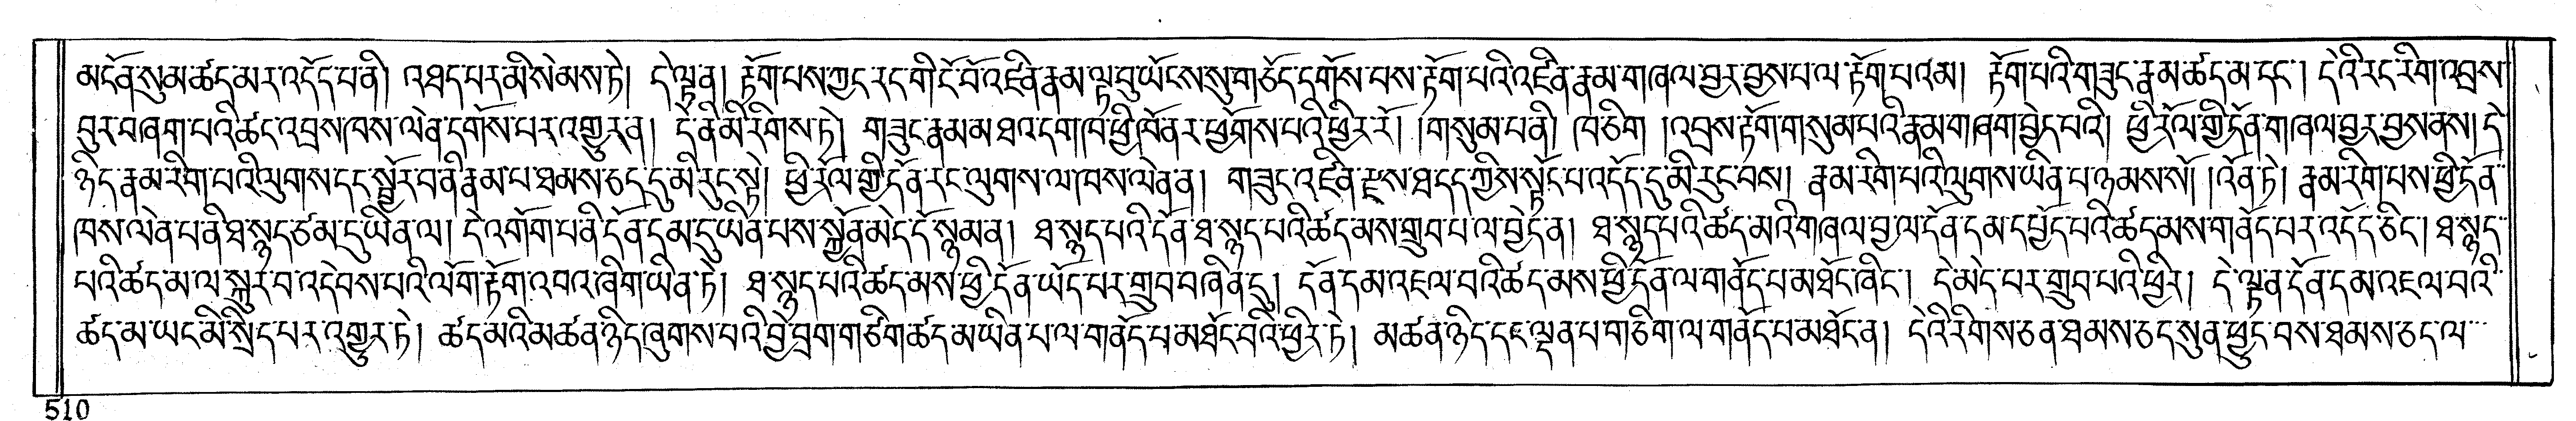མངོན་སུམ་ཚད་མར་འདོད་པ་ནི། འཐང་པར་མི་སེམས་ཏེ། དེ་ལྟ་ན། རྟོག་པས་ཀྱང་རང་གི་ངོ་བོ་འཛིན་རྣམ་ལྟ་བུ་ཡོངས་སུ་གཅོད་དགོས་པས་རྟོག་པའི་འཛིན་རྣམ་གཞལ་བྱར་བྱས་པ་ལ་རྟོག་པའམ། རྟོག་པའི་གཟུང་རྣམ་ཚད་མ་དང་། དེའི་རང་རིག་འབྲས་
བུར་བཞག་པའི་ཚད་འབྲས་ཁས་ལེན་དགོས་པར་འགྱུར་ན། དེ་ནི་མི་རིགས་ཏེ། གཟུང་རྣམ་མཐའ་དག་ཁ་ཕྱི་ཁོ་ནར་ཕྱོགས་པའི་ཕྱིར་རོ། །གསུམ་པ་ནི། ཁ་ཅིག །འབྲས་རྟོག་གསུམ་པའི་རྣམ་གཞག་བྱེད་པའི། ཕྱི་རོལ་གྱི་དོན་གཞལ་བྱར་བྱས་ནས། དེ་
ཉིད་རྣམ་རིག་པའི་ལུགས་དང་སྦྱོར་བ་ནི་རྣམ་པ་ཐམས་ཅད་དུ་མི་རུང་སྟེ། ཕྱི་རོལ་གྱི་དོན་རང་ལུགས་ལ་ཁས་ལེན་ན། གཟུང་འཛིན་རྫས་ཐ་དད་ཀྱིས་སྟོང་བ་འདོད་དུ་མི་རུང་བས། རྣམ་རིག་པའི་ལུགས་ཡིན་པ་ཉམས་སོ། །འོན་ཏེ། རྣམ་རིག་པས་ཕྱི་དོན་
ཁས་ལེན་པ་ནི་ཐ་སྙད་ཙམ་དུ་ཡིན་ལ། དེ་འགོག་པ་ནི་དོན་དམ་དུ་ཡིན་པས་སྐྱོན་མེད་དོ་སྙམ་ན། ཐ་སྙད་པའི་དོན་ཐ་སྙད་པའི་ཚད་མས་གྲུབ་པ་ལ་བྱེད་ན། ཐ་སྙད་པའི་ཚད་མའི་གཞལ་བྱ་ལ་དོན་དམ་དཔྱོད་པའི་ཚད་མས་གནོད་པར་འདོད་ཅིང་། ཐ་སྙད་
པའི་ཚད་མ་ལ་སྐུར་བ་འདེབས་པའི་ལོག་རྟོག་འབའ་ཞིག་ཡིན་ཏེ། ཐ་སྙད་པའི་ཚད་མས་ཕྱི་དོན་ཡོད་པར་གྲུབ་བཞིན་དུ། དོན་དམ་འཇལ་པའི་ཚད་མས་ཕྱི་དོན་ལ་གནོད་པ་མཐོང་ཞིང་། དེ་མེད་པར་གྲུབ་པའི་ཕྱིར། དེ་ལྟ་ན་དོན་དམ་འཇལ་བའི་
ཚད་མ་ཡང་མི་སྲིད་པར་འགྱུར་ཏེ། ཚད་མའི་མཚན་ཉིད་ཞུགས་པའི་བྱེ་བྲག་གཅིག་ཚད་མ་ཡིན་པ་ལ་གནོད་པ་མཐོང་བའི་ཕྱིར་ཏེ། མཚན་ཉིད་དང་ལྡན་པ་གཅིག་ལ་གནོད་པ་མཐོང་ན། དེའི་རིགས་ཅན་ཐམས་ཅད་སུན་ཕྱུང་བས་ཐམས་ཅད་ལ་